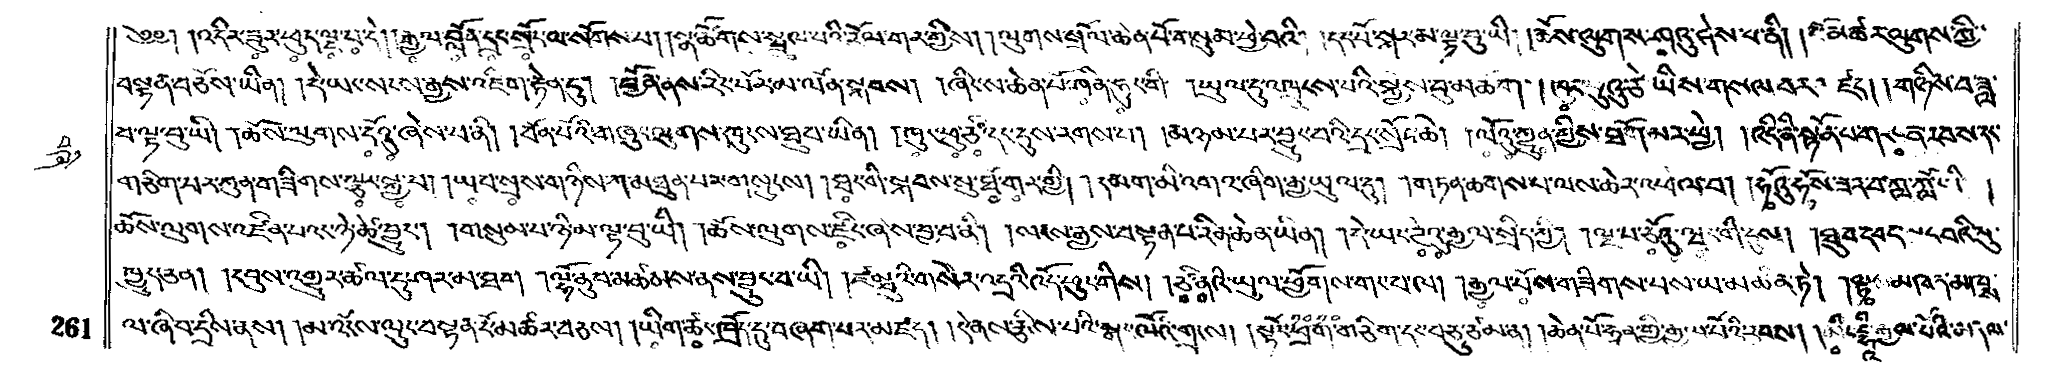༄༅། །འདིར་ཟུར་ཕུད་ལྔ་པ་དེ། །རྒྱལ་བློན་དྲང་སྲོང་ལ་སོགས་པ། །སྣ་ཚོགས་སྤྲུལ་པའི་རོལ་གར་གྱིས། །ལུགས་སྲོལ་ཆེན་པོ་གསུམ་ཕྱེ་བའི། །དང་བོ་སྐར་མ་ལྟ་བུ་ཡི། །ཆོས་ལུགས་ཤའུ་ཤེས་པ་ནི། །ངོ་མཚར་ལུགས་ཀྱི་
བསྟན་བཅོས་ཡིན། །དེ་ཡང་སངས་རྒྱས་འཇིག་རྟེན་དུ། །བྱོན་ནས་རིང་པོར་མ་ལོན་སྐབས། །ཞིངས་ཆེན་པོ་ཤིན་ཏུང་གི །ཡུལ་དུ་འཁྲུངས་པའི་སྐྱེས་བུ་མཆོག །ཁུར་ཕུའུ་རྩེ་ཡིས་གསལ་བར་མཛད། །གཉིས་བཟླ་
བ་ལྟ་བུ་ཡི། །ཆོས་ལུགས་དོའུ་ཞེས་པ་ནི། །བོན་པོའི་གཞུང་ལུགས་ཁུངས་ཐུབ་ཡིན། །ཁུད་ཕུ་ཙི་དང་དུས་རགས་པ། །མཉམ་པར་བྱུང་བའི་དྲང་སྲོང་ཆེ། །ལོའུ་ཀྱུན་གྱིས་ཐོག་མར་ཕྱེ། །འདི་ནི་སྟོན་པ་གང?་རབས་དང་
གཅིག་པར་ཀུན་གཟིགས་ལྕང་སྐྱ་པ། །ཡབ་སྲས་གཉིས་ཀ་མཐུན་པར་གསུངས། །ཐང་གི་སྐབས་སུ་ཐོ་གར་གྱི། །དམག་མི་འགའ་ཞིག་རྒྱ་ཡུལ་དུ། །གཏན་ཆགས་པ་ལས་ཆེར་འཕེལ་བ། །ཧོའུ་ཧོས་ཟར་བ་ཀླ་ཀློ་ཡི་།
ཆོས་ལུགས་འཛིན་པའང་ཉེ་ཚེ་བྱུང་། །གསུམ་པ་ཉི་མ་ལྟ་བུ་ཡི། །ཆོས་ལུགས་ཛིང་ཞེས་བྱ་བ་ནི། །སངས་རྒྱས་བསྟན་པ་རིན་ཆེན་ཡིན། །དེ་ཡང་ཊེའུ་རྒྱལ་སྲིད་ཀྱི། །ལྔ་པ་ཅོའུ་ཝང་གི་དུས། །ཐུབ་དབང་པང་བའི་པུ་
ཁྱུད་ཅན། །དབུས་འགྱུར་ཚལ་དུ་ཤར་མ་ཐག །ལྷོ་ནུབ་མཚམས་ནས་བྱུང་བ་ཡི། །ཛམྦུའི་གསེར་འདྲའི་འོད་ཕུང་གིས། །ཙི་ནའི་ཡུལ་ཕྱོགས་གང་པ་ལ། །རྒྱལ་བོས་གཟིགས་པས་ཡ་མཚན་ཏེ། །ལྟས་མཁན་མཁས་
ལ་ཞིབ་དྲིས་ནས། །མ་འོངས་ལུང་བསྟན་ངོ་མཚར་བཅས། །ཡིག་ཚང་ཁྲོད་དུ་བཞག་པར་མཛད། །དེ་ནས་རྩིས་པའི་སྒང་ལོའི་གྲངས། །སྟོང་ཕྲག་གཅིག་དང་བཅུ་ཙམ་ན། །ཆེན་པོ་ཧཱན་གྱི་རྒྱ་པ་པོའི་རབས། །མིངྡྷཱི་རྒྱལ་པོའི་མནལ་